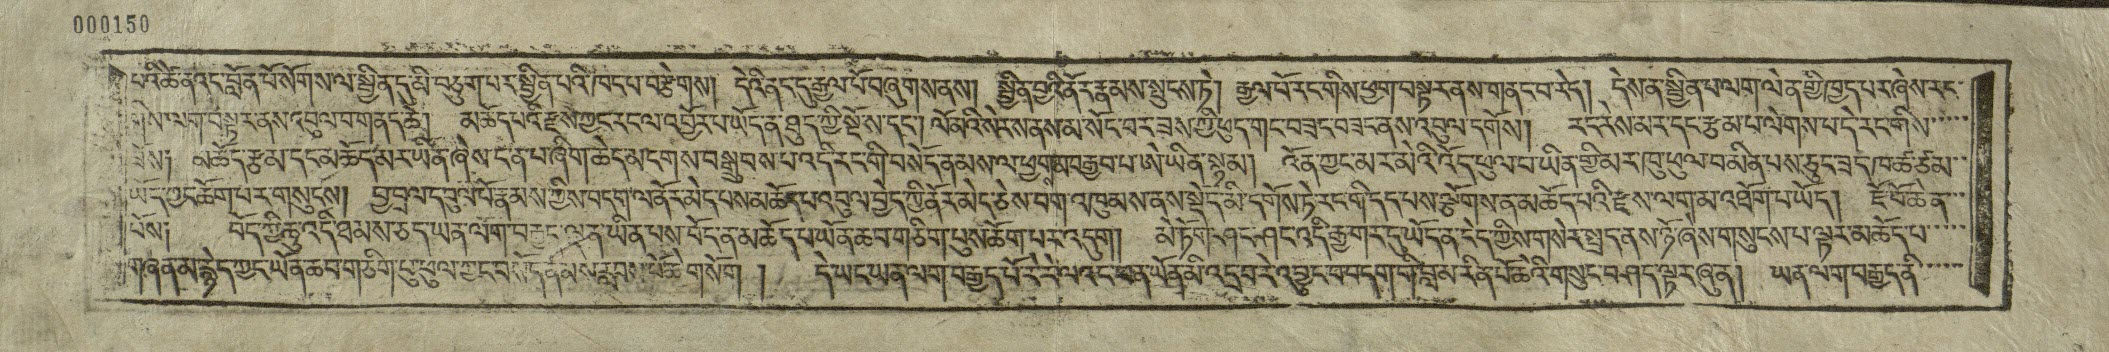པའི་ཚེ་ནའང་བློན་པོ་སོགས་ལ་སྦྱིན་དུ་མི་བཅུག་པར་སྦྱིན་པའི་ཁང་པ་བརྩེགས། དེའི་ནང་དུ་རྒྱལ་པོ་བཞུགས་ནས། སྦྱིན་བྱའི་ནོར་རྣམས་སྤུངས་ཏེ། རྒྱལ་པོ་རང་གིས་ཕྱག་བསྟར་ནས་གནང་བ་རེད། དེས་ན་སྦྱིན་པ་ལག་ལེན་གྱི་ཁྱད་པར་ཞེས་རང་
གིས་ལག་བསྟར་ནས་འབུལ་བ་གནད་ཆེ། མཆོད་པའི་རྫས་ཀྱང་རང་ལ་འབྱོར་པ་ཡོད་ན་ཐུད་ཀྱི་སྔོ་ས་དང་། ལོ་མའི་སེར་ས་ནས་མ་སོང་བར་ཟས་ཀྱི་ཕུད་གང་བཟང་བཟང་ནས་འབུལ་དགོས། རང་རེས་མར་དང་རྩམ་པ་ལེགས་པ་དེ་རང་གིས་
ཟོས༑ མཆོད་རྩམ་དང་མཆོད་མར་ཡིན་ཞེས་ངན་པ་ཞིག་ཆེད་མངགས་བསྒྲུབས་པ་འདི་རང་གི་བསོད་ནམས་ལ་ཕྱགས་མ་བརྒྱབ་པ་ཨེ་ཡིན་སྙམ། འོན་ཀྱང་མར་མེའི་འོད་ཕུལ་བ་ཡིན་གྱི་མར་ཁུ་ཕུལ་བ་མིན་པས་ཅུང་ཟད་ཁ་ཚ་ཙམ་
ཡོད་ཀྱང་ཆོག་པར་གསུངས། བྱ་བྲལ་དབུལ་པོ་རྣམས་ཀྱིས་བདག་ལ་ནོར་མེད་པས་མཆོད་པ་འབུལ་བྱེད་ཀྱི་ནོར་མེད་ཅེས་བག་འཁུམས་ནས་སྡོད་མི་དགོས་ཏེ་རང་གི་དད་པས་ལྕོགས་ན་མཆོད་པའི་རྫས་ལག་མ་འཐོག་པ་ཡོད། ཇོ་བོ་ཆེན་
པོས༑ བོད་ཀྱི་ཆུ་འདི་ཐམས་ཅད་ཡན་ལག་བརྒྱད་ལྡན་ཡིན་པས་བོད་ན་མཆོད་པ་ཡོན་ཆབ་གཅིག་པུས་ཆོག་པར་འདུག་མེ་ཏོག་ཤང་ཤང་འདི་རྒྱ་གར་དུ་ཡོད་ན་ངེད་ཀྱིས་གསེར་སྤྲད་ནས་ཉོ་ཞེས་གསུངས་པ་ལྟར་མཆོད་པ་
གཞན་མ་རྙེད་ཀྱང་ཡོན་ཆབ་གཅིག་པུ་ཕུལ་ཀྱང་བསོད་ནམས་རླབས་པོ་ཆེ་གསོག་དེ་ཡང་ཡན་ལག་བརྒྱད་པོ་རེ་རེ་ལའང་ཕན་ཡོན་མི་འདྲ་བ་རེ་འབྱུང་བ་བདག་གི་བླ་མ་རིན་པོ་ཆེའི་གསུང་བཤད་ལྟར་ཞུ་ན། ཡན་ལག་བརྒྱད་ནི་